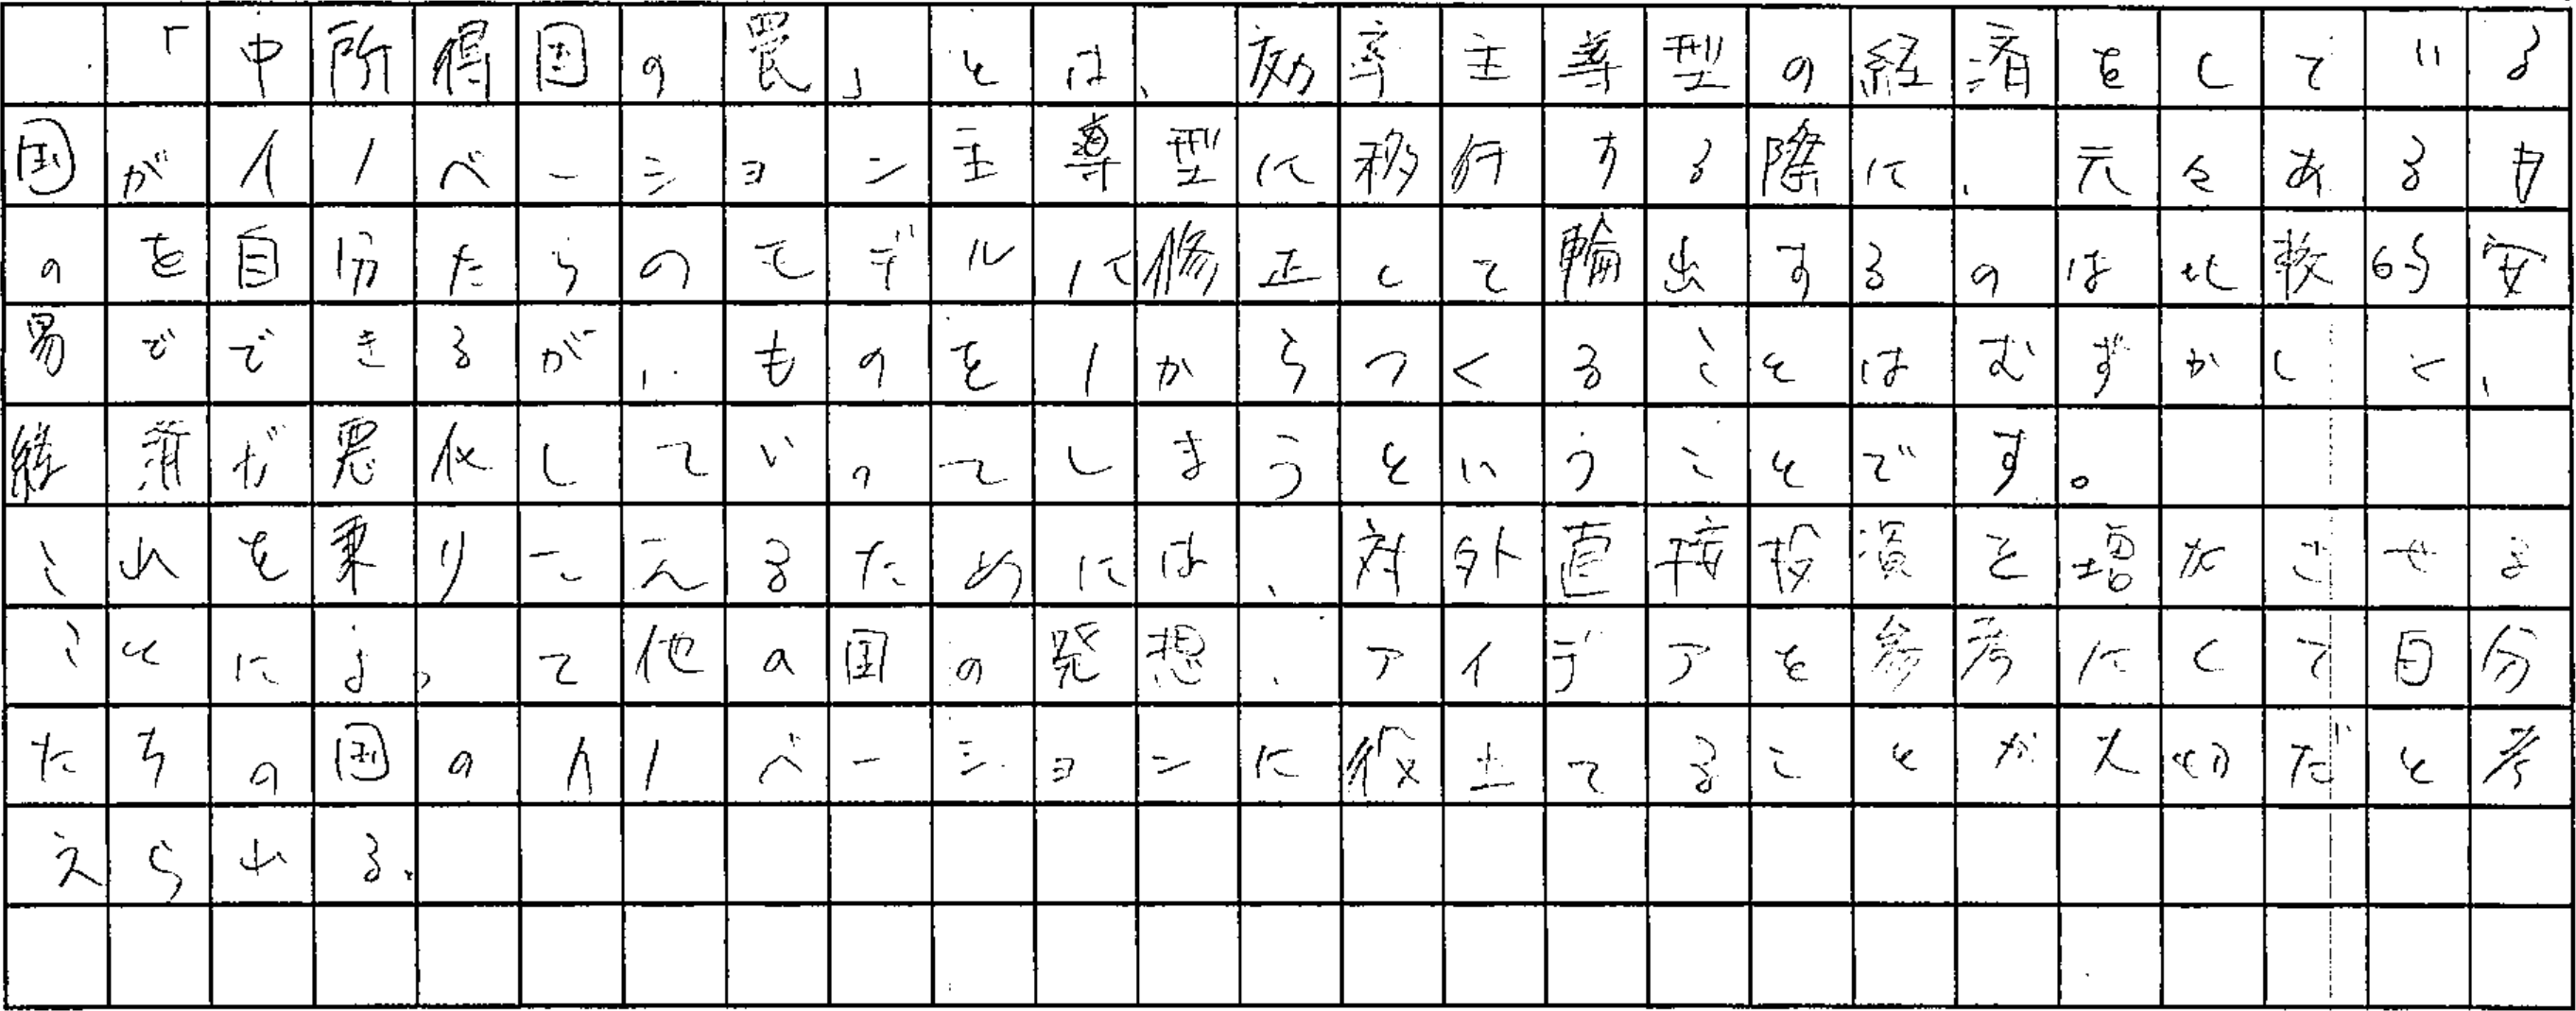　「中所得国の罠」とは、効率主導型の経済をしている国がイノベーション主導型に移行する際に、元々あるものを自分たちのモデルに修正して輪出するのは比較的安易でできるが、ものを１からつくることはむずかしく、経済が悪化していってしまうということです。
これを乗りこえるためには、対外直接投資を増加させることによって他の国の発想、アイデアを参考にして自分たちの国のイノベーションに役立てることが大切だと考えられる。
